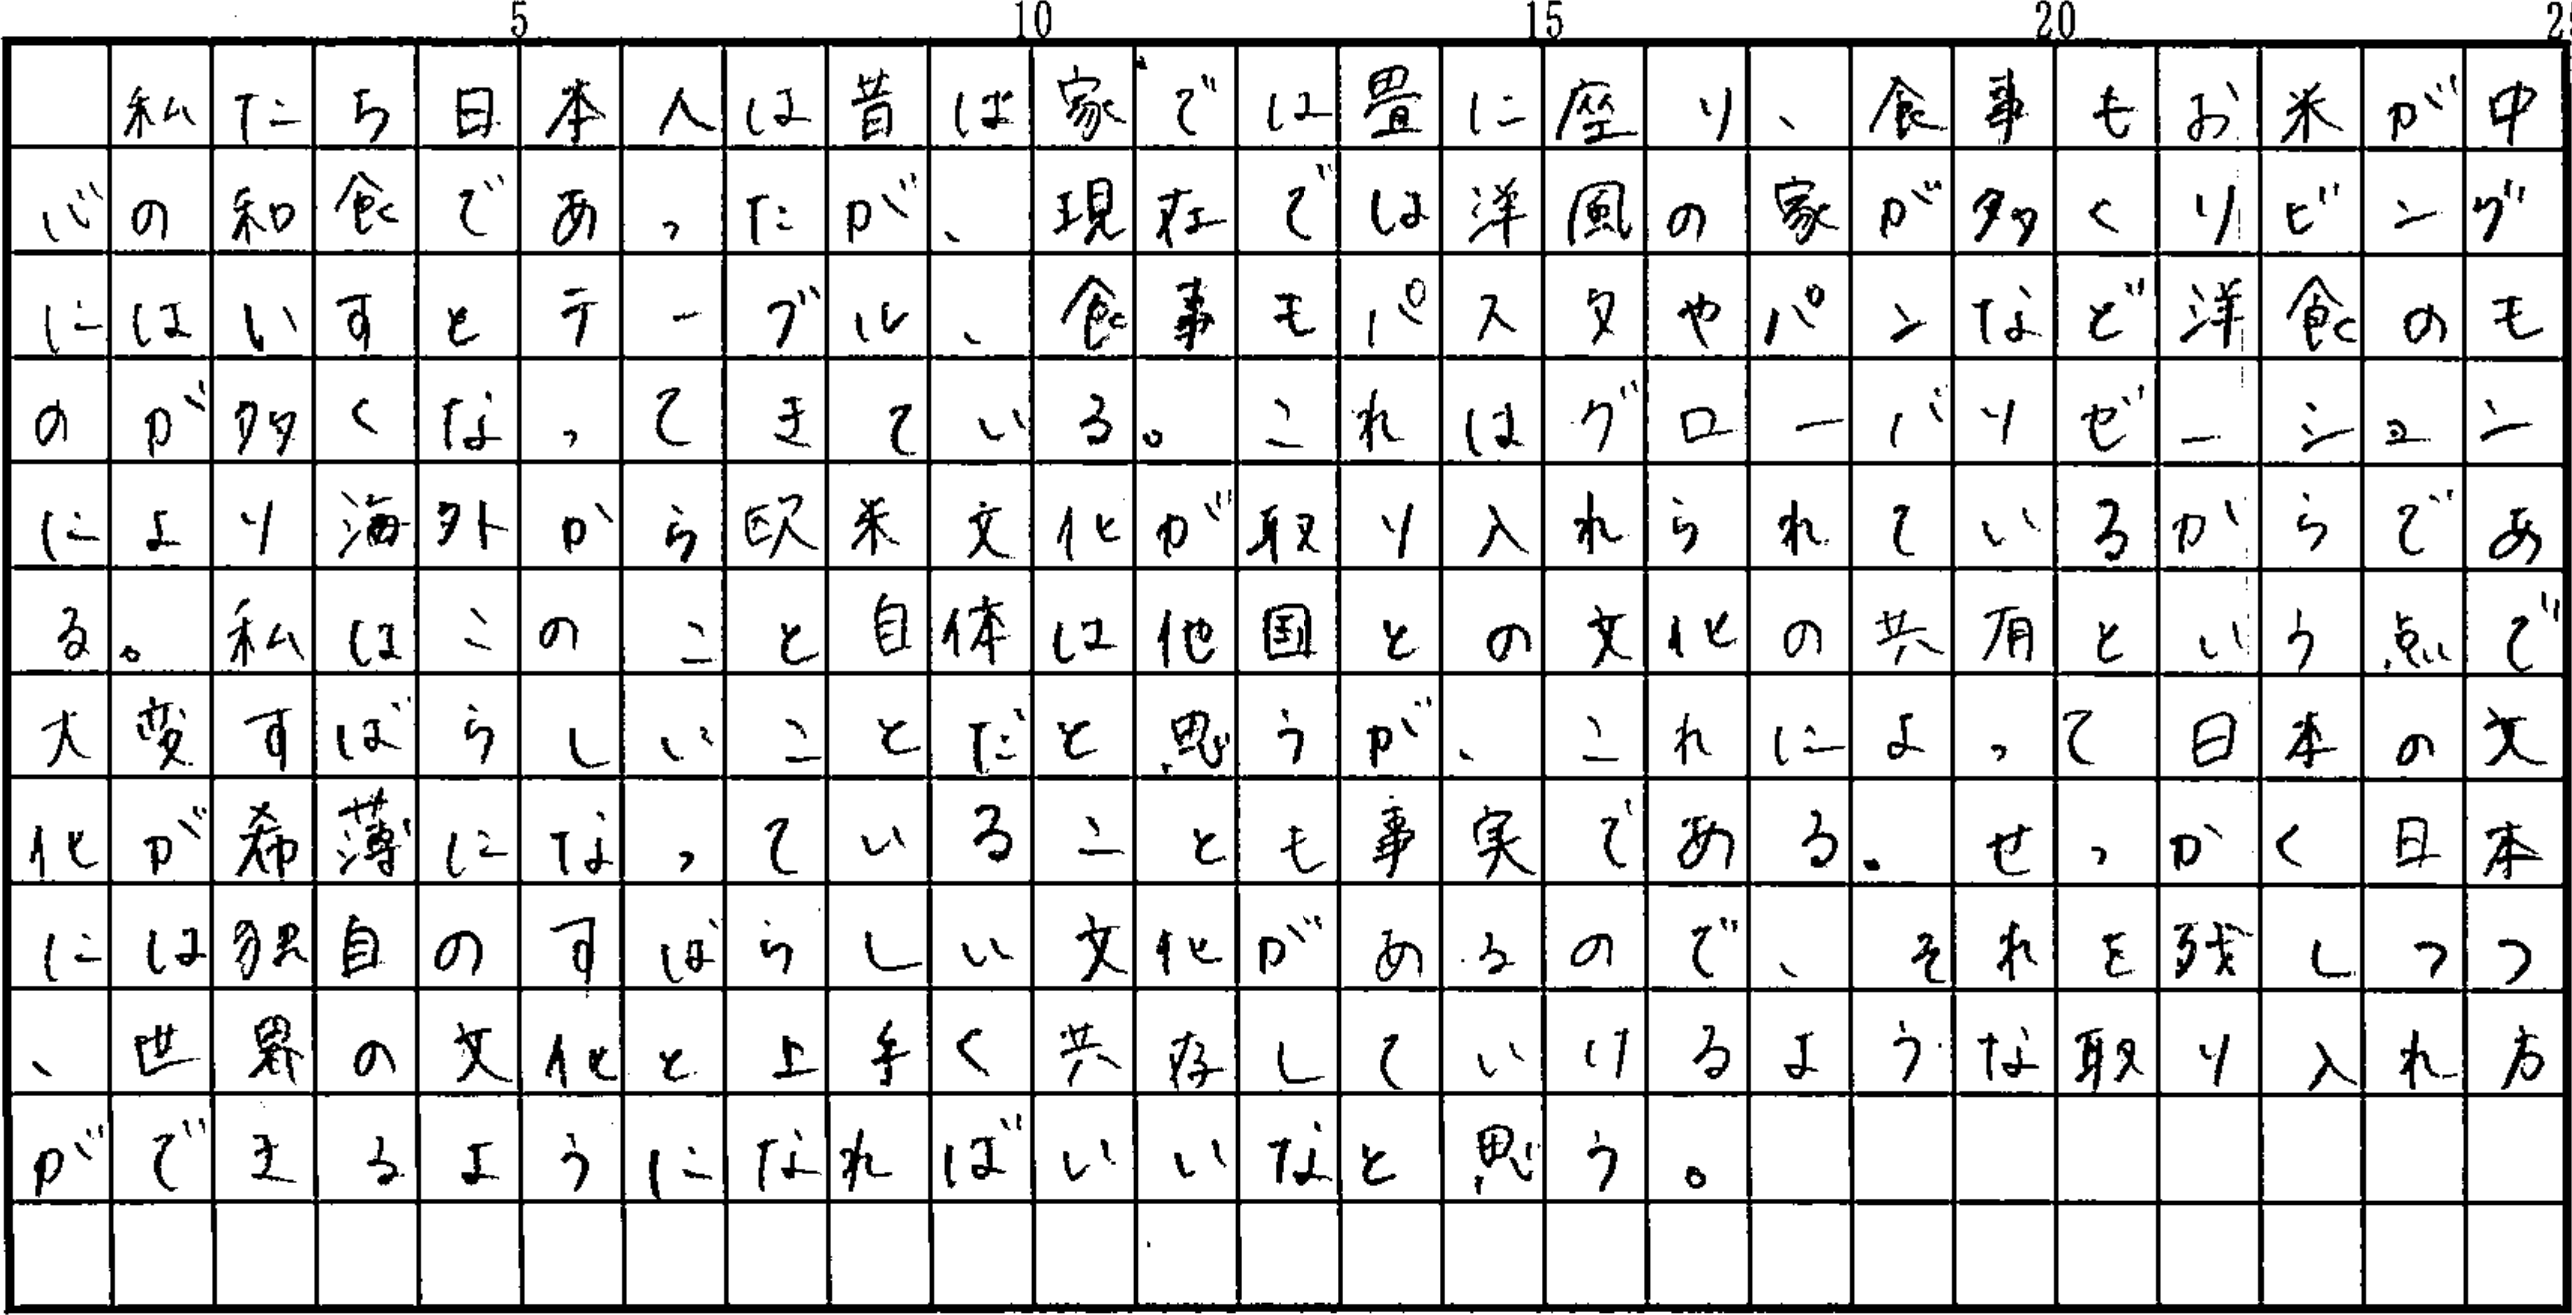　私たち日本人は昔は家では畳に座り、食事もお米が中心の和食であったが、現在では洋風の家が多くリビングにはいすとテーブル、食事もパスタやパンなど洋食のものが多くなってきている。これはグローバリゼーションにより海外から欧米文化が取り入れられているからである。私はこのこと自体は他国との文化の共有という点で大変すばらしいことだと思うが、これによって日本の文化が希薄になっていることも事実である。せっかく日本には独自のすばらしい文化があるので、それを残しつつ、世界の文化と上手く共存していけるような取り入れ方ができるようになればいいなと思う。
